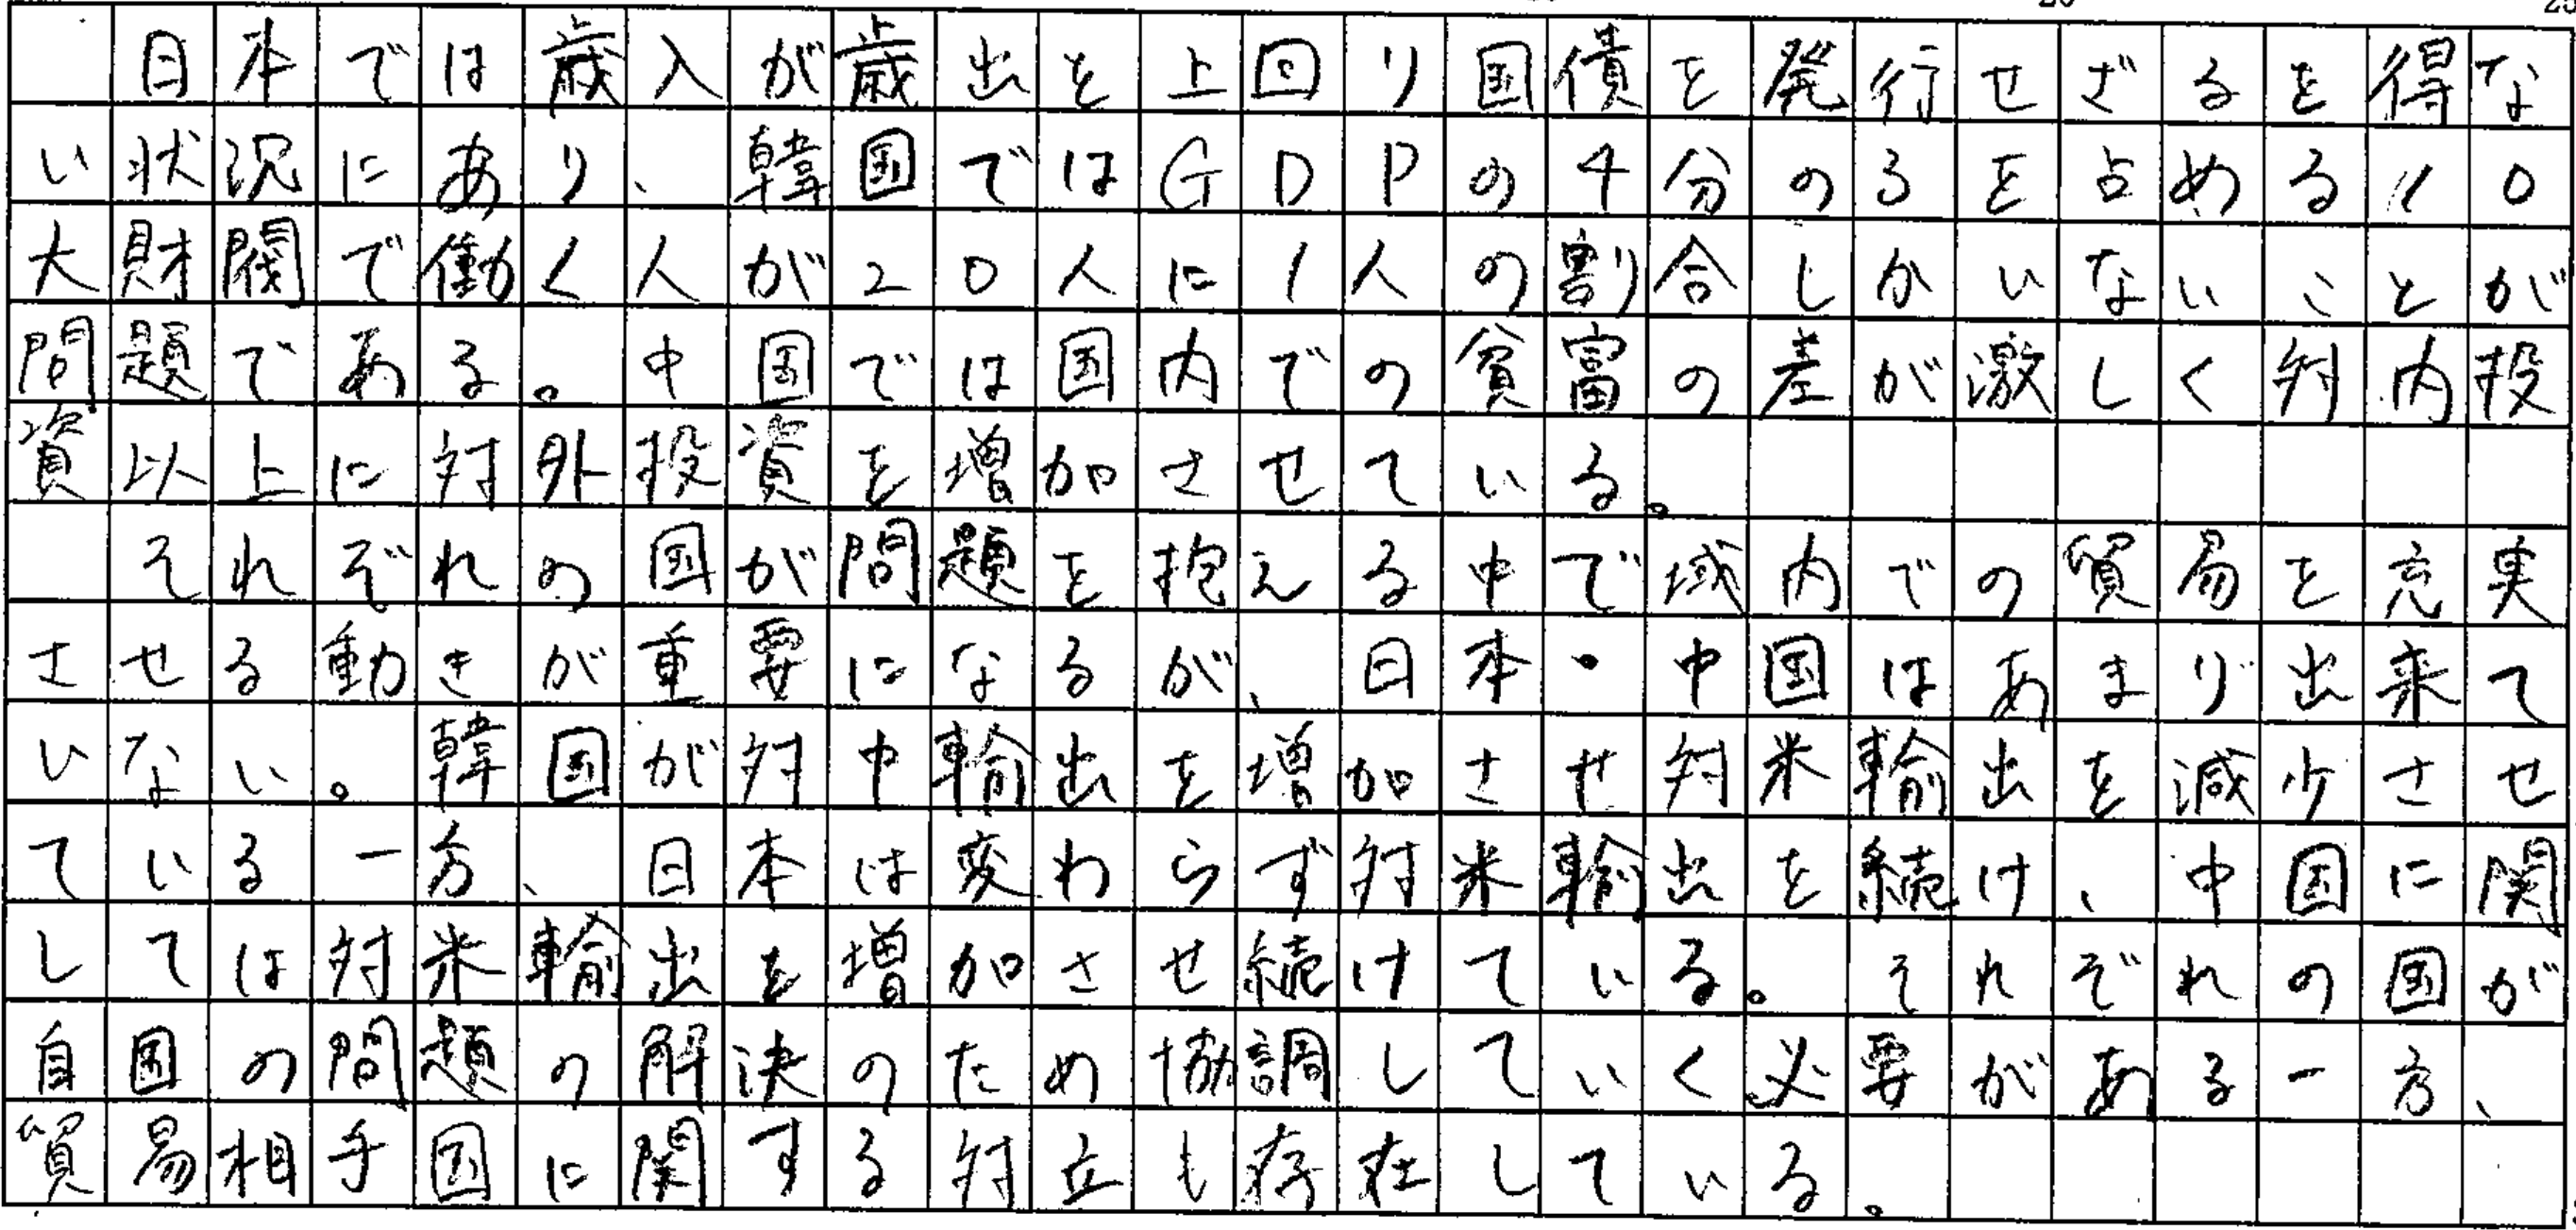　日本では歳入が歳出を上回り国債を発行せざるを得ない状況にあり、韓国ではＧＤＰの４分の３を占める１０大財閥で働く人が２０人に１人の割合しかいないことが問題である。中国では国内での貧富の差が激しく対内投資以上に対外投資を増加させている。
　それぞれの国が問題を抱える中で域内での貿易を充実させる動きが重要になるが、日本・中国はあまり出来ていない。韓国が対中輸出を増加させ対米輸出を減少させている一方、日本は変わらず対米輸出を続け、中国に関しては対米輸出を増加させ続けている。それぞれの国が自国の問題の解決のため協調していく必要がある一方、貿易相手国に関する対立も存在している。
